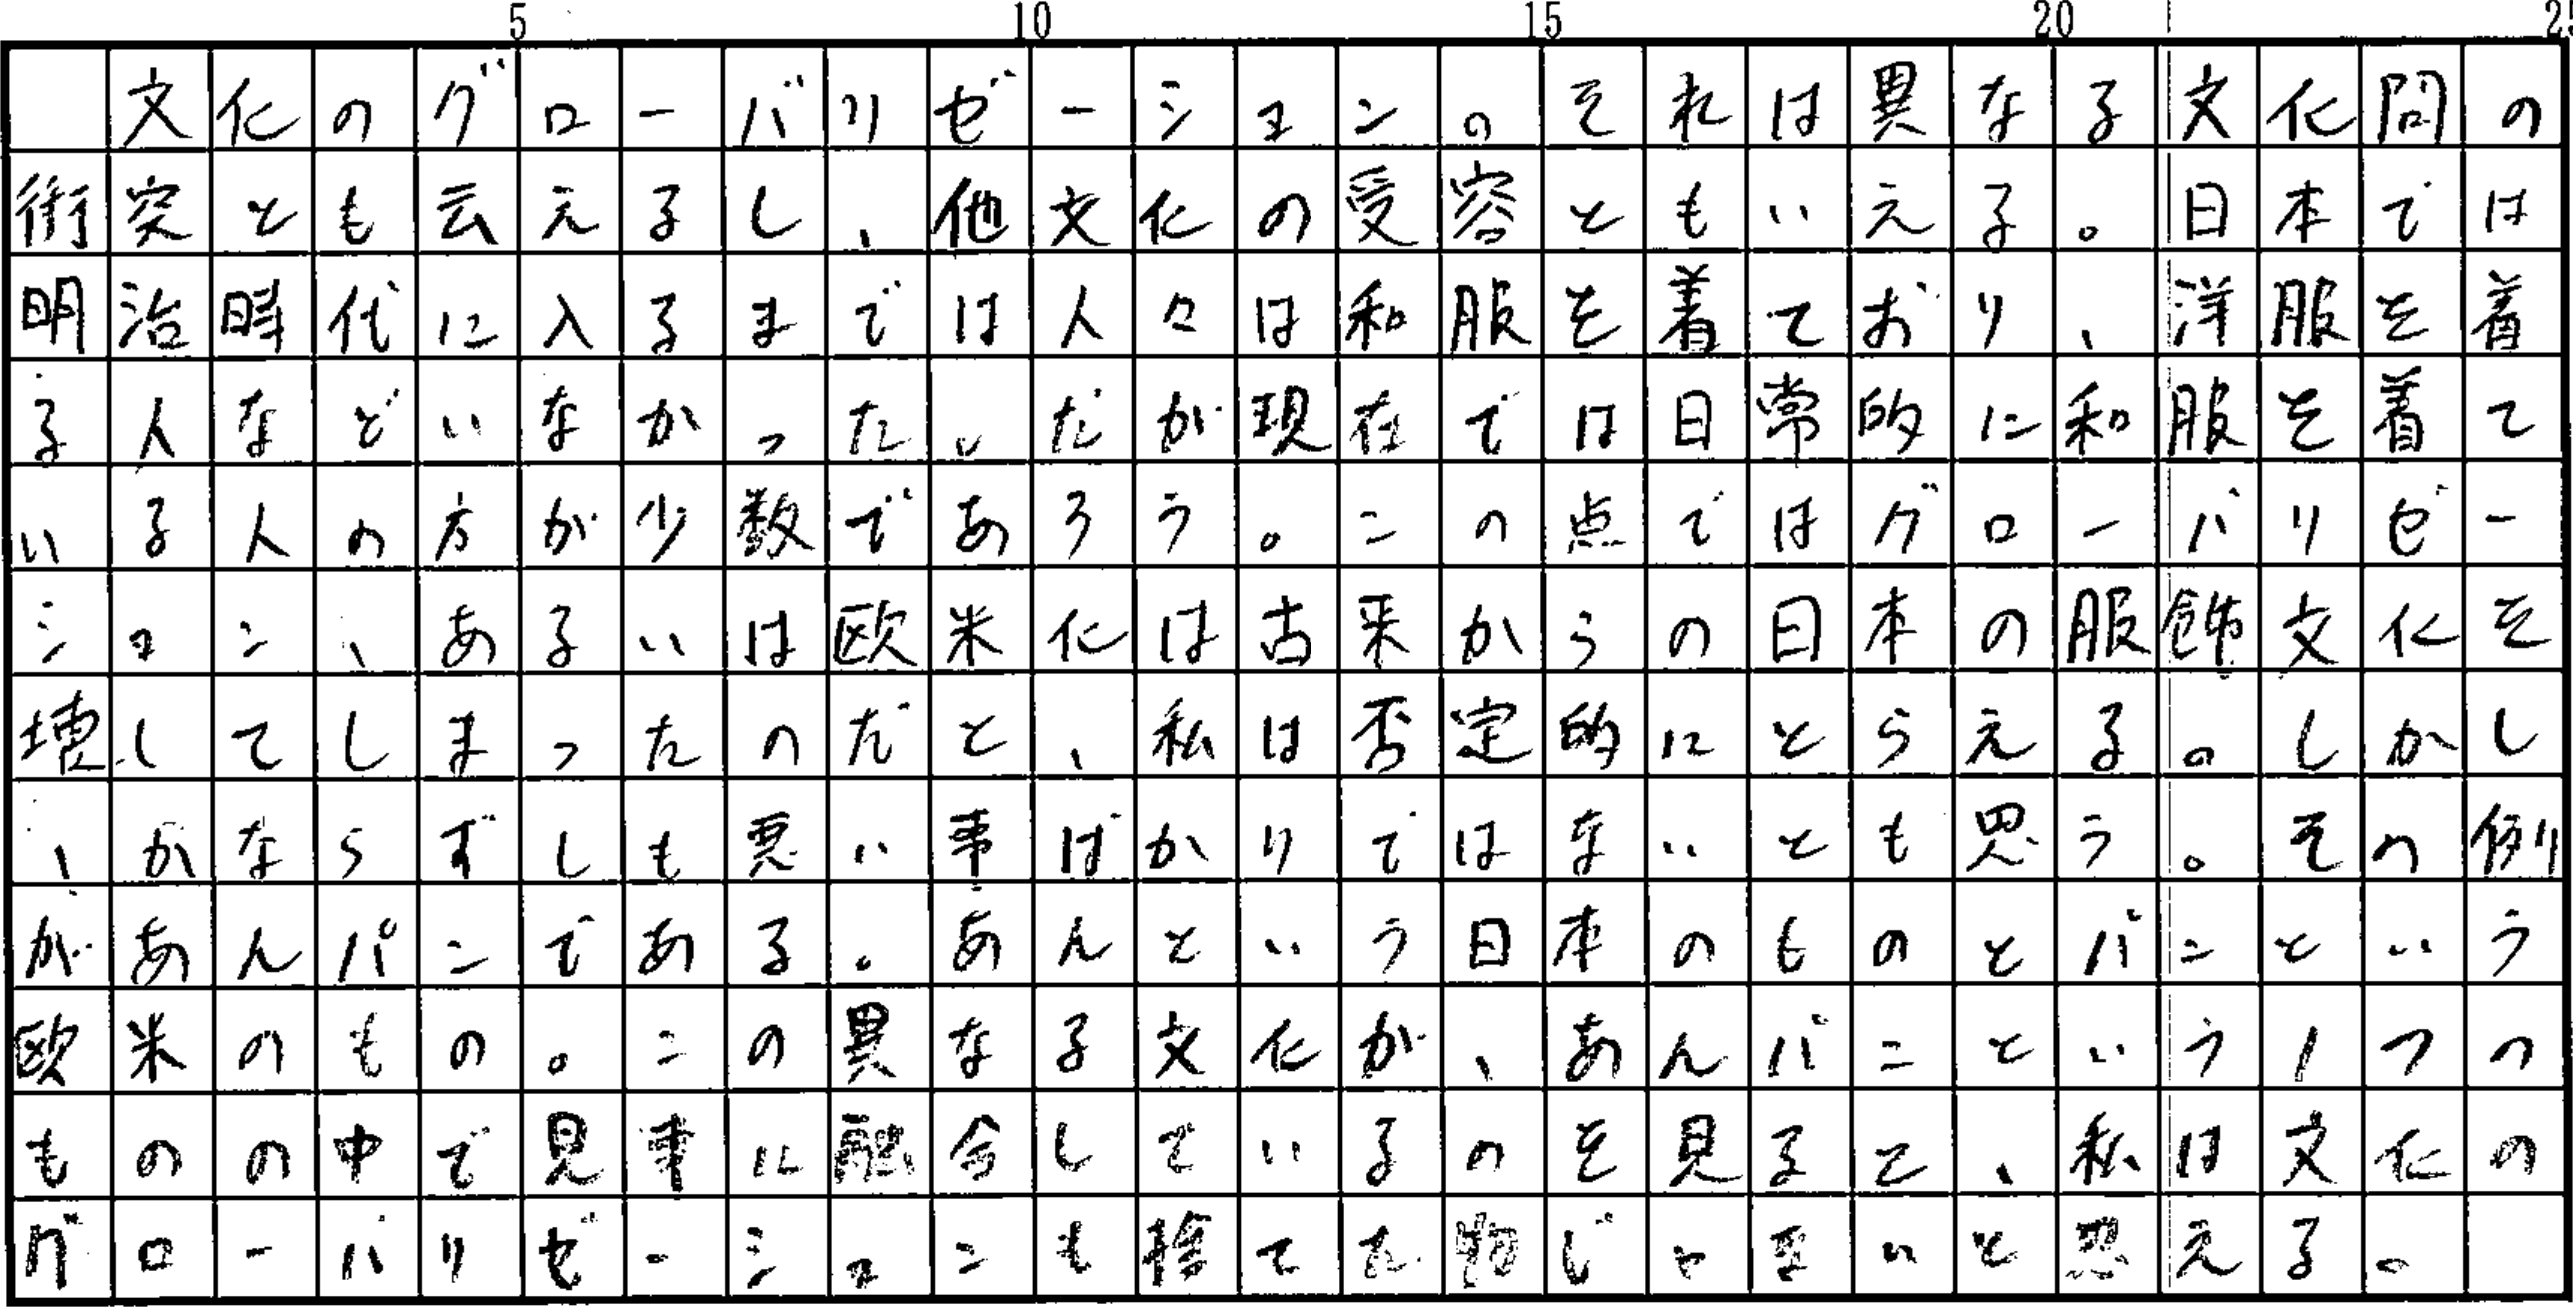　文化のグローバリゼーション。それは異なる文化間の衝突とも云えるし、多文化の受容ともいえる。日本では明治時代に入るまでは人々は和服を着ており、洋服を着る人などいなかった。だが現在では日常的に和服を着ている人の方が少数であろう。この点ではグローバリゼーション、あるいは欧米化は古来からの日本の服飾文化を壊してしまったのだと、私は否定的にとらえる。しかし、かならずしも悪い事ばかりではないとも思う。その例があんパンである。あんという日本のものとパンという欧米のもの。この異なる文化が、あんパンという１つのものの中で見事に融合しているのを見ると、私は文化のグローバリゼーションも捨てた物じゃないと思える。
